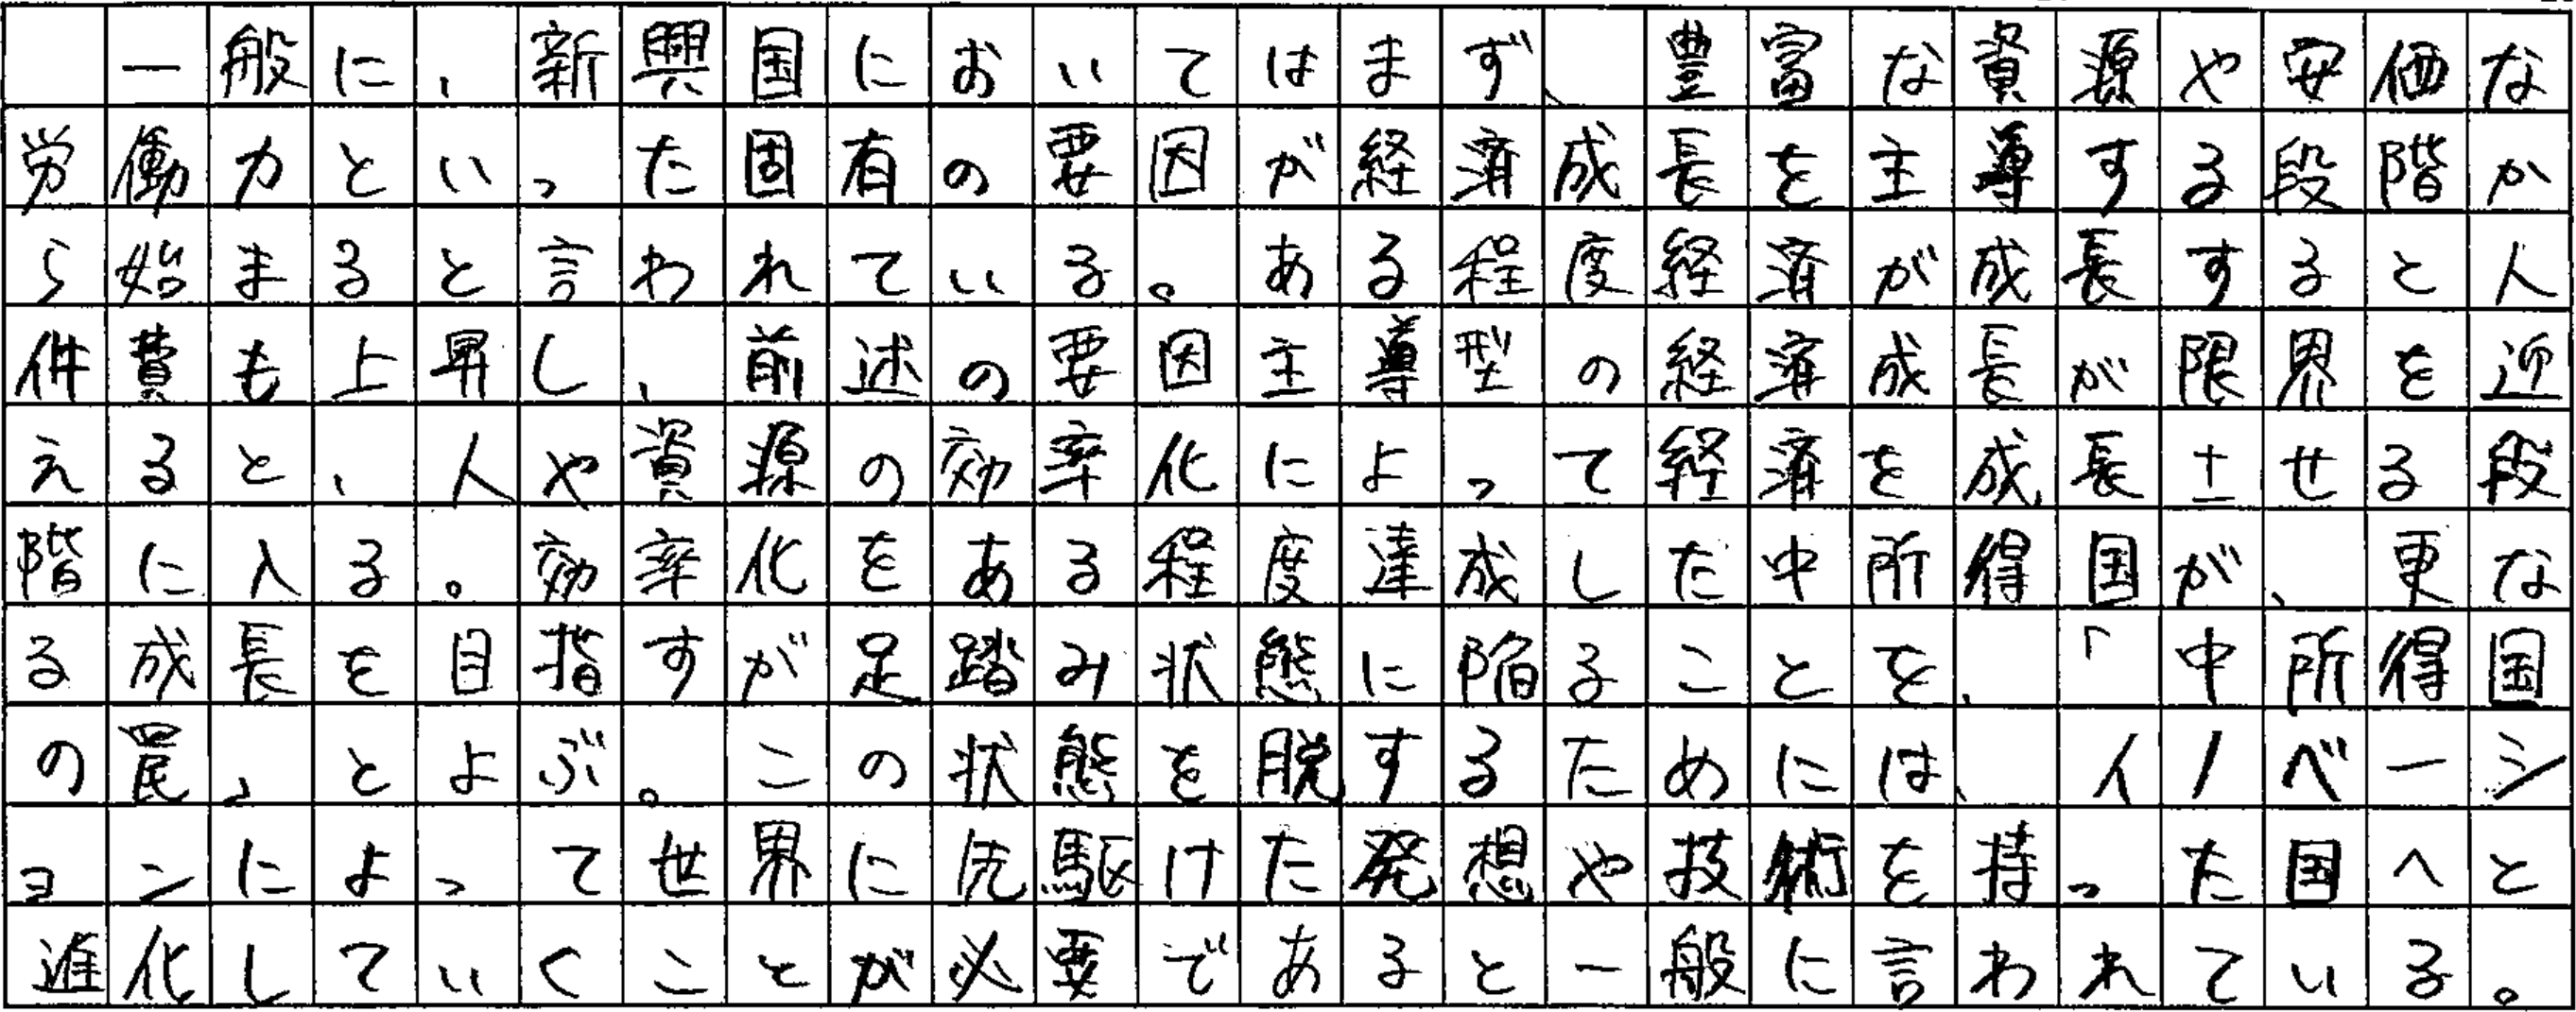　一般に，新興国においてはまず、豊富な資源や安価な労働力といった固有の要因が経済成長を主導する段階から始まると言われている。ある程度経済が成長すると人件費も上昇し、前述の要因主導型の経済成長が限界を迎えると、人や資源の効率化によって経済を成長させる段階に入る。効率化をある程度達成した中所得国が、更なる成長を目指すが足踏み状態に陥ることを、「中所得国の罠」とよぶ。この状態を脱するためには、イノベーションによって世界に先駆けた発想や技術を持った国へと進化していくことが必要であると一般に言われている。
